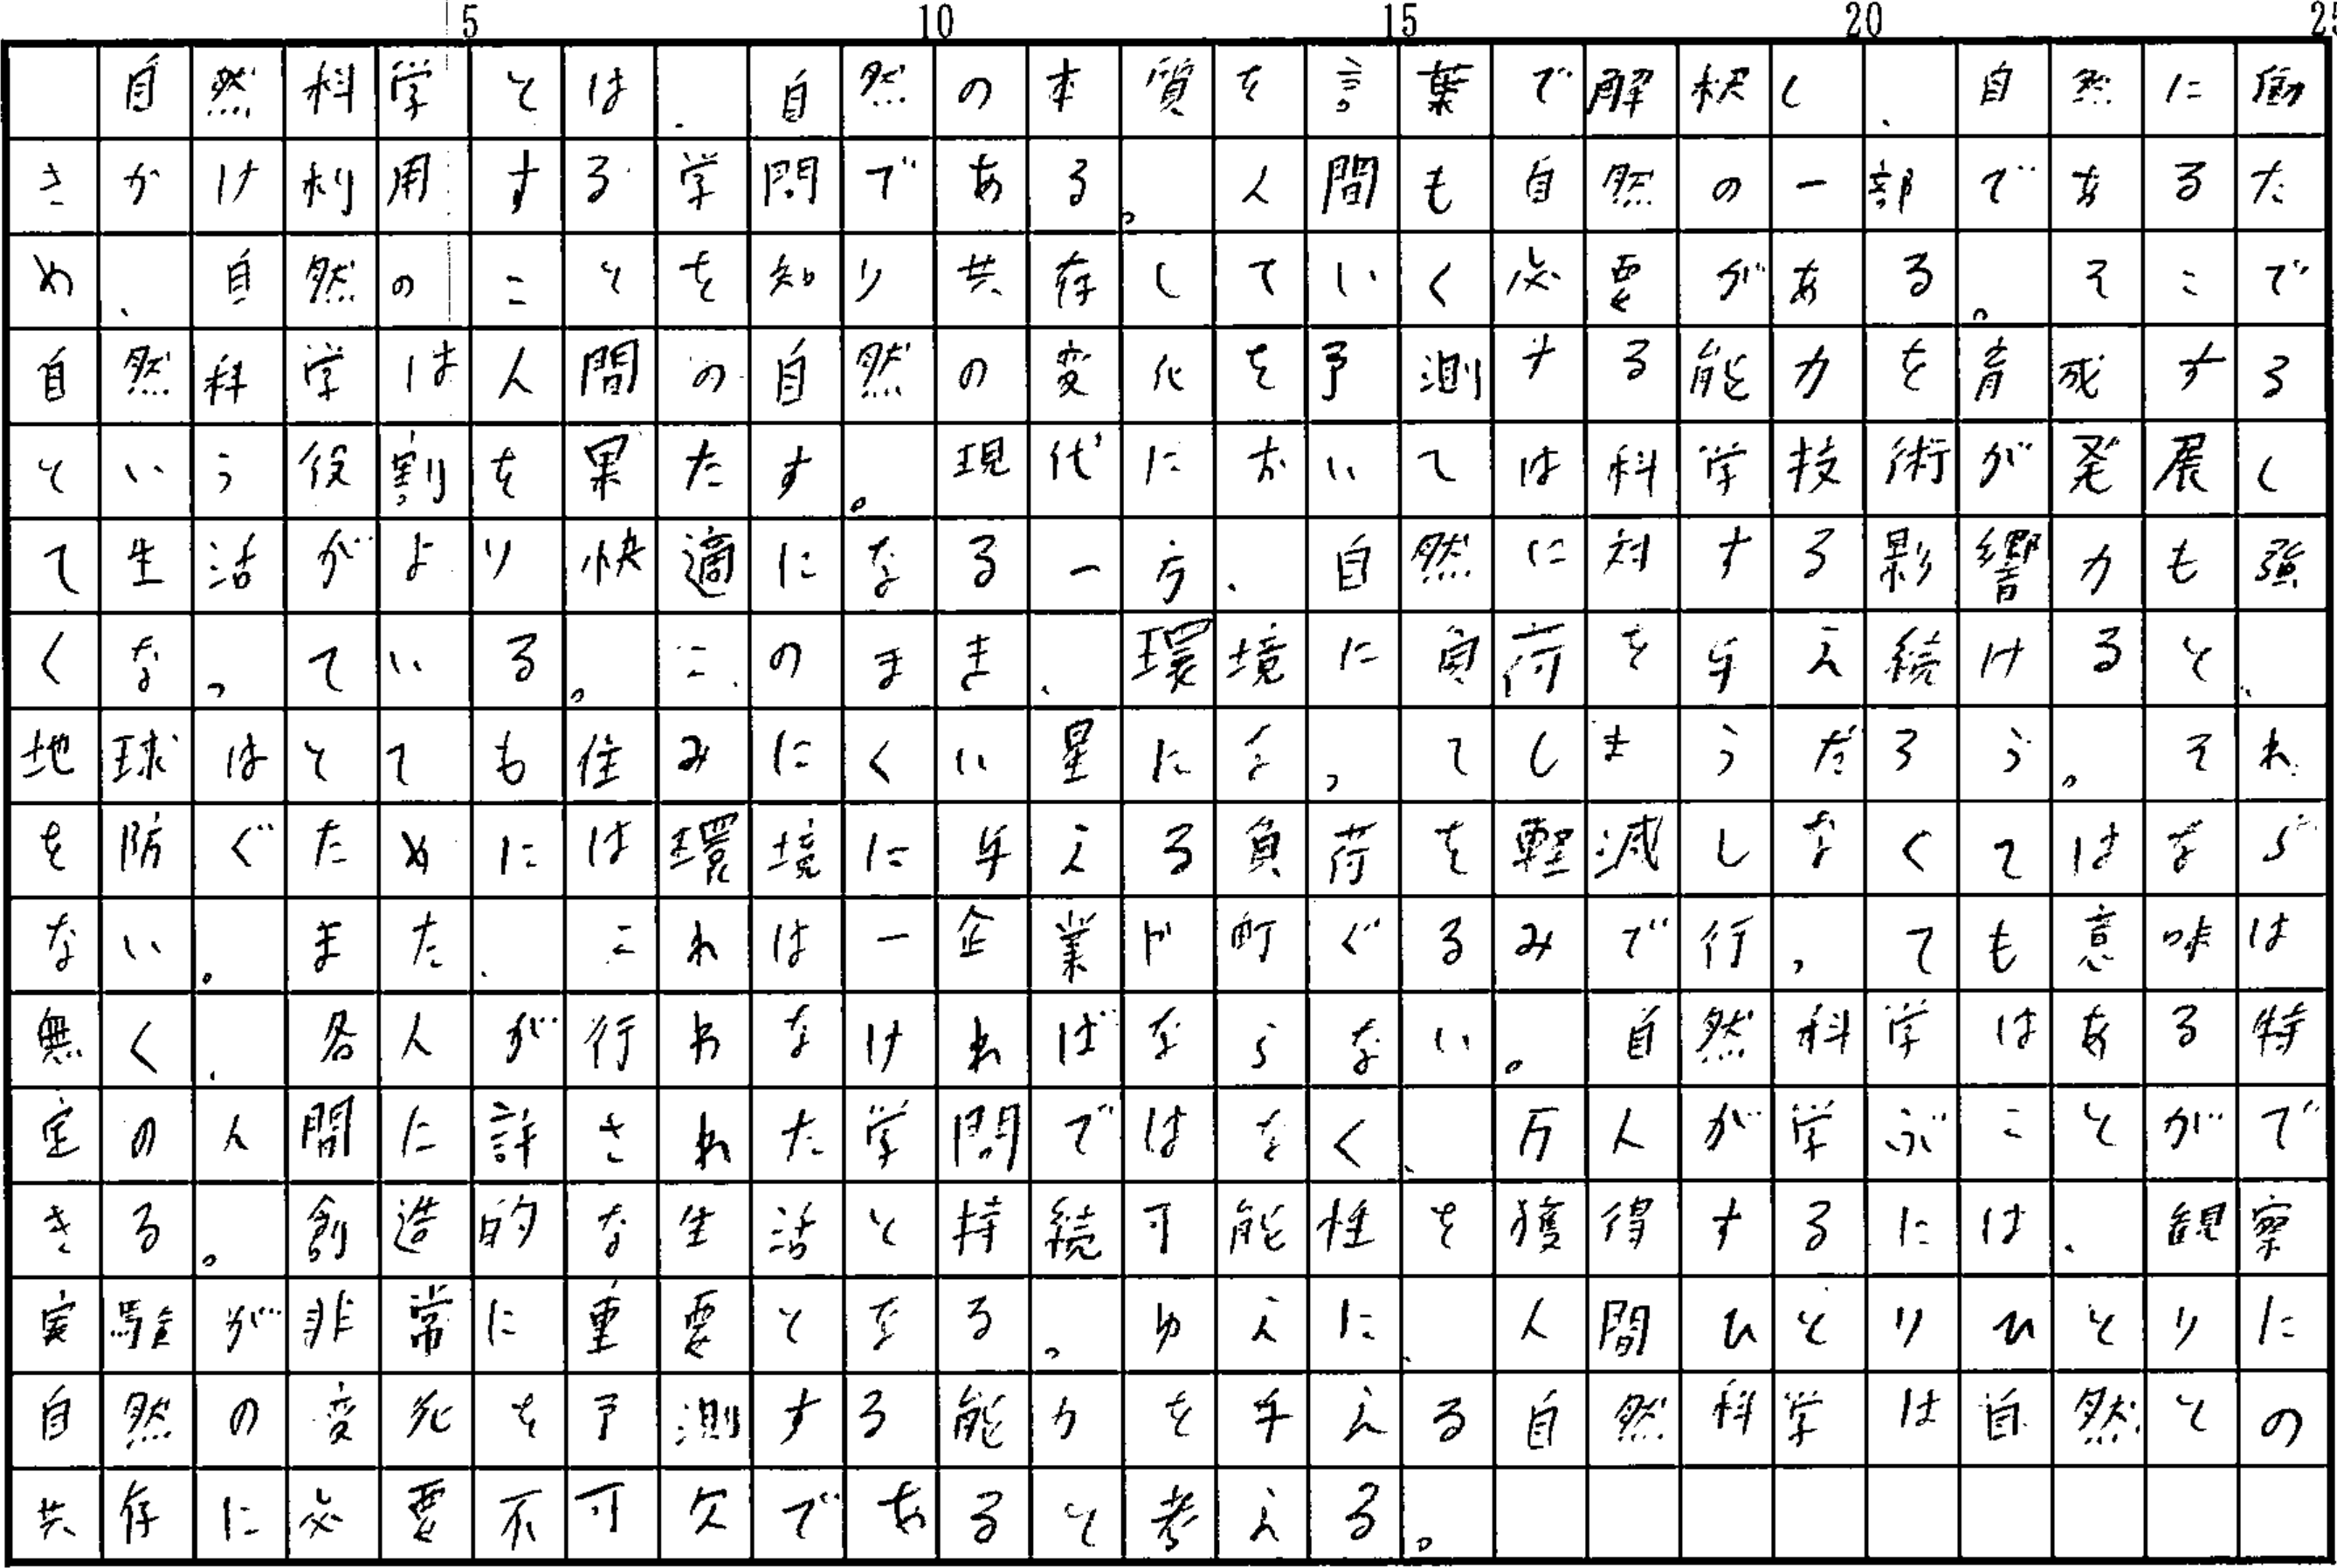　自然科学とは、自然の本質を言葉で解釈し、自然に働きかけ利用する学問である。人間も自然の一部であるため、自然のことを知り共存していく必要がある。そこで自然科学は人間の自然の変化を予測する能力を育成するという役割を果たす。現代においては科学技術が発展して生活がより快適になる一方、自然に対する影響力も強くなっている。このまま、環境に負荷を与え続けると、地球はとても住みにくい星になってしまうだろう。それを防ぐためには環境に与える負荷を軽減しなくてはならない。また、これは一企業や町ぐるみで行っても意味は無く、各人が行わなければならない。自然科学はある特定の人間に許された学問ではなく、万人が学ぶことができる。創造的な生活と持続可能性を獲得するには、観察実験が非常に重要となる。ゆえに、人間ひとりひとりに自然の変化を予測する能力を与える自然科学は自然との共存に必要不可欠であると考える。
